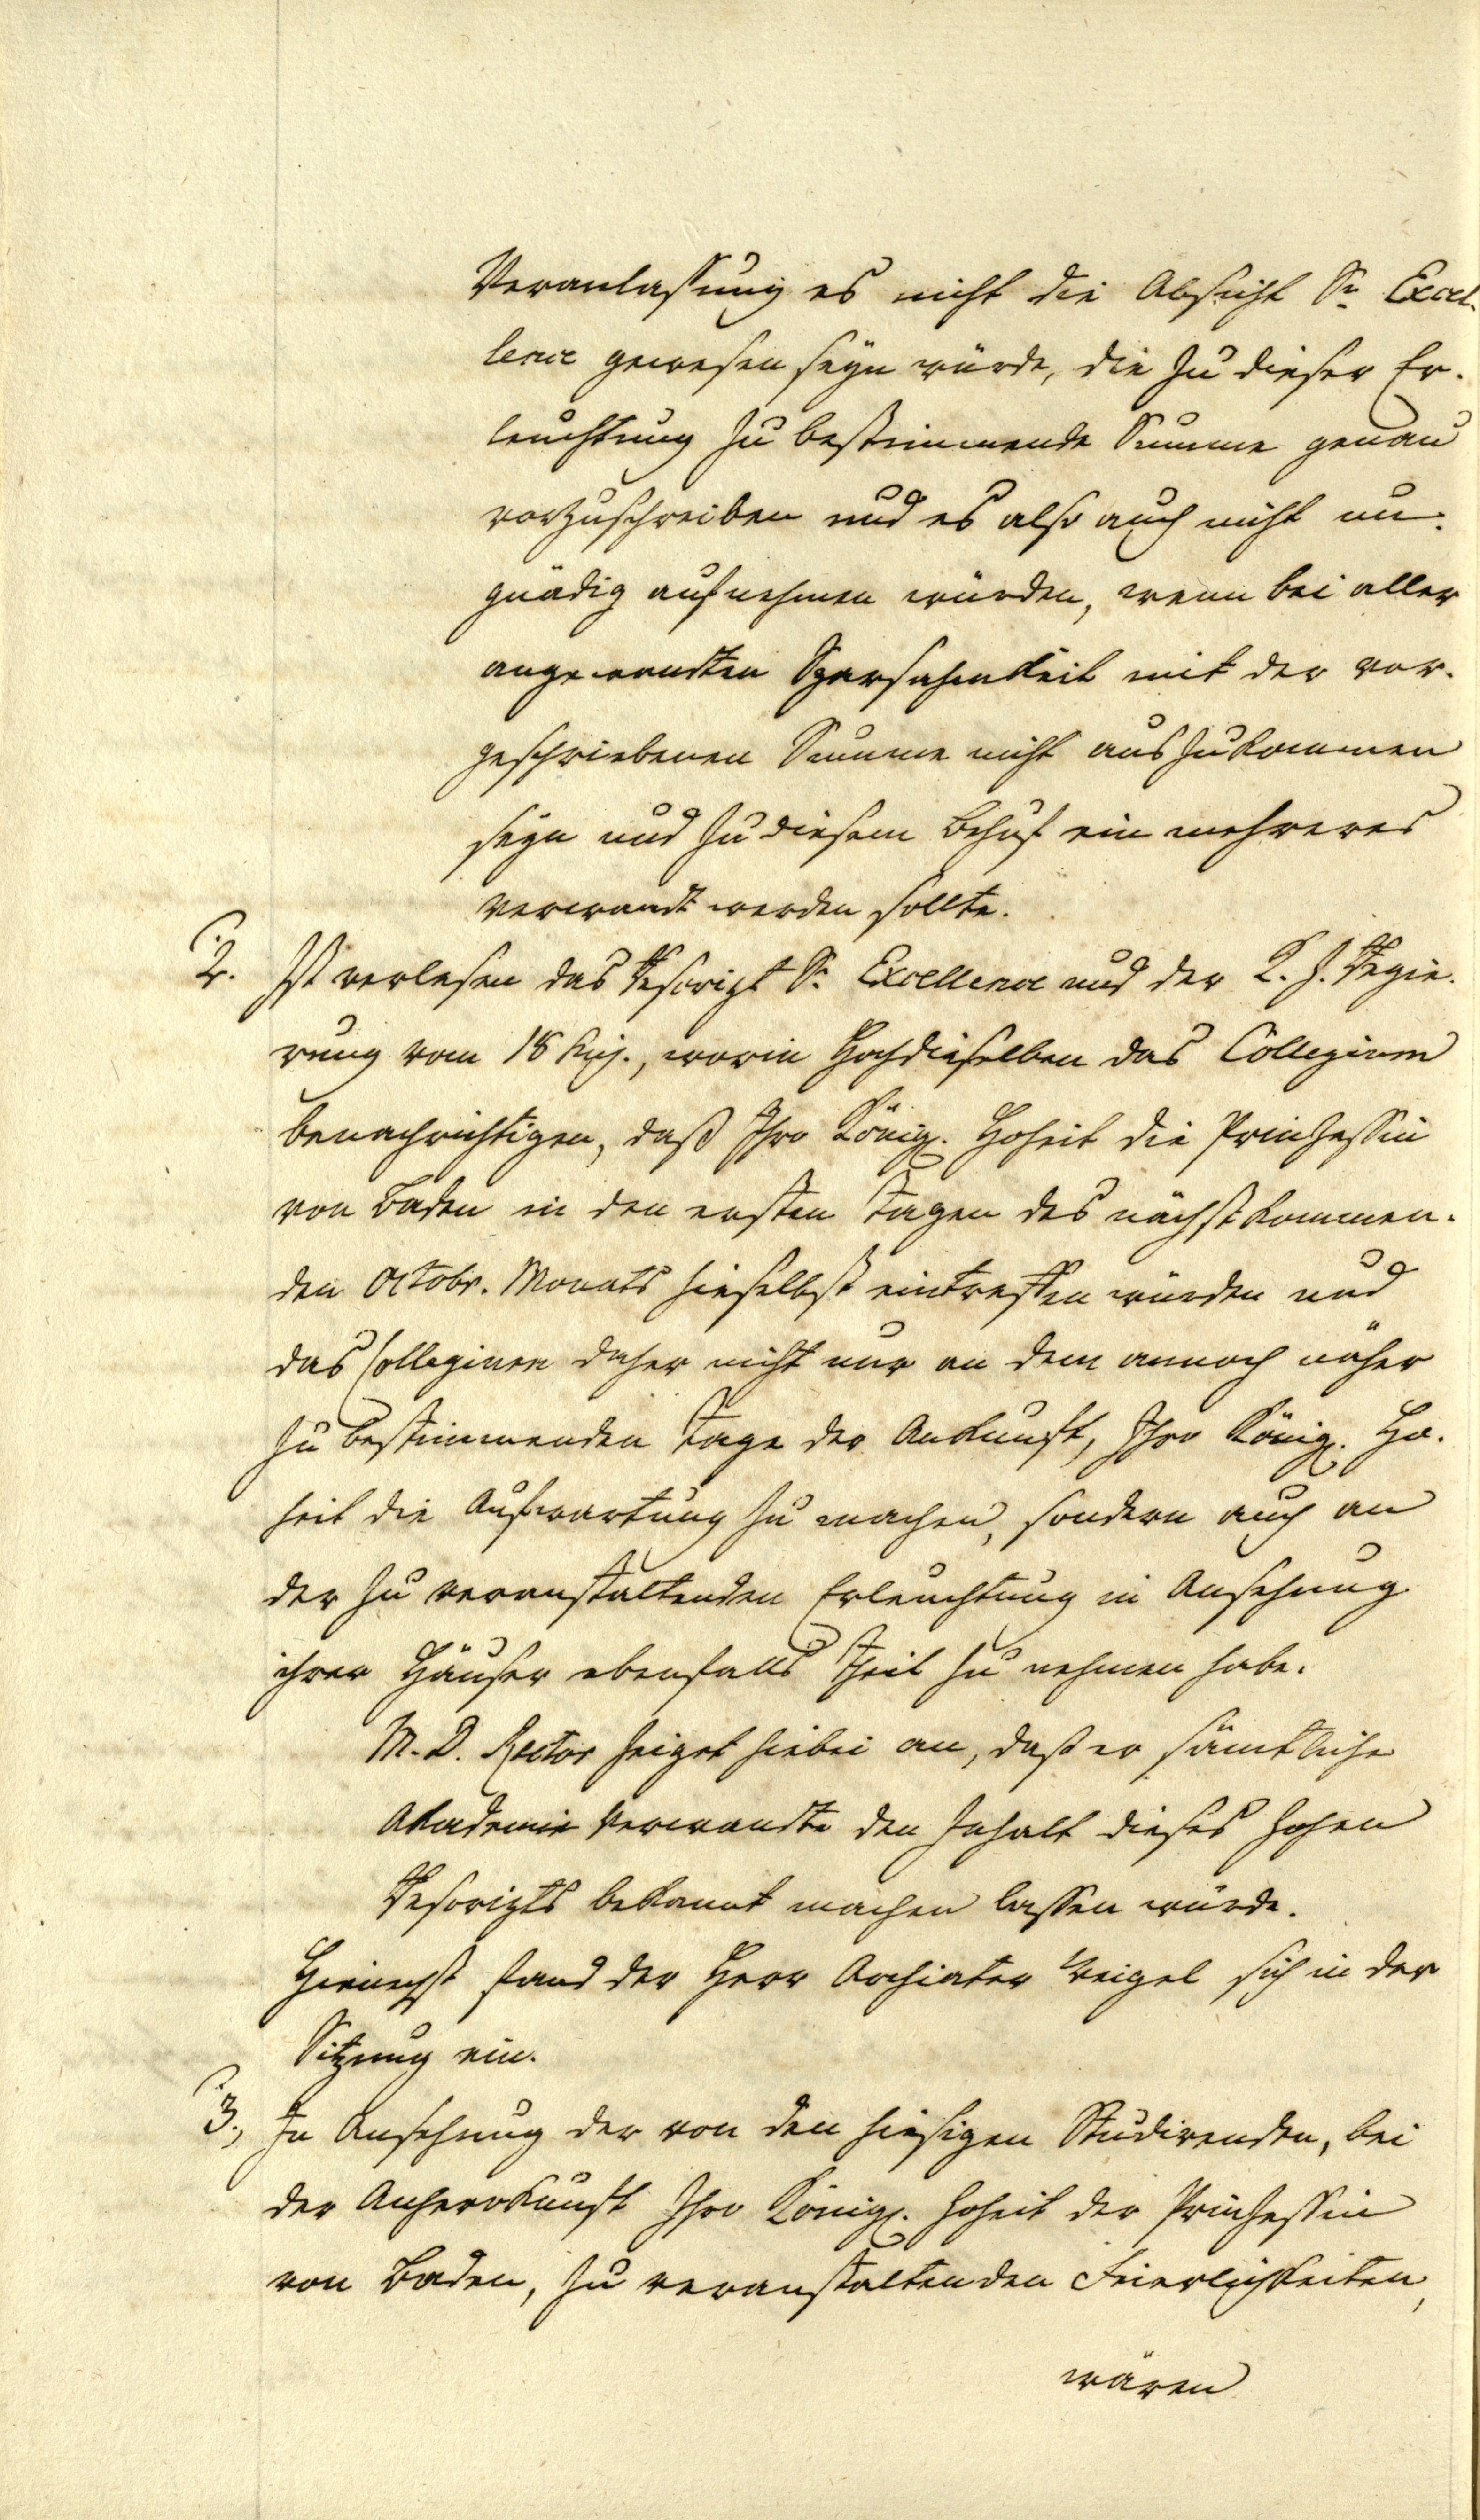Veranlassung es nicht die Absicht Sr Exce¬
lence gewesen seÿn würde, die zu dieser Er¬
leuchtung zu bestimmende Summe genau
vorzuschreiben und es also auch nicht un¬
gnädig aufnehmen würden, wenn bei aller
angewandten Sparsahmkeit mit der vor¬
geschriebenen Summe nicht aus zukommen
seÿn und zu diesem Behuf ein mehreres
verwandt werden sollte.
2. Ist verlesen das Rescript Sr Excellence und der K. H. Regie¬
rung vom 18 huj., worin Hochdieselben das Collegium
benachrichtigen, daß Ihro Königl. Hoheit die Prinzessin
von Baden in den ersten Tagen des nächstkommen¬
den Octobr. Monats hieselbst eintreffen würden und
das Collegium daher nicht nur an dem annoch näher
zu bestimmenden Tage der Ankunft, so Königl. Ho¬
heit die Aufwartung zu machen, sondern auch an
der zu veranstaltenden Erleuchtung in Ansehung
ihre Häuser ebenfalls Theil zu nehmen habe.
M. D. Rector zeiget hiebei an, daß er sämtliche
Akademie Verwandte den Inhalt dieses hohen
Rescripts bekannt machen lassen würde.
Hienechst fand der Herr Archiater Weigel sich in der
Sitzung ein.
3., In Ansehung der von den hiesigen Studirenden, bei
der Anherokunft Ihro Königl. Hoheit der Prinzessin
von Baden, zu veranstaltenden Feierlichkeiten,
wären